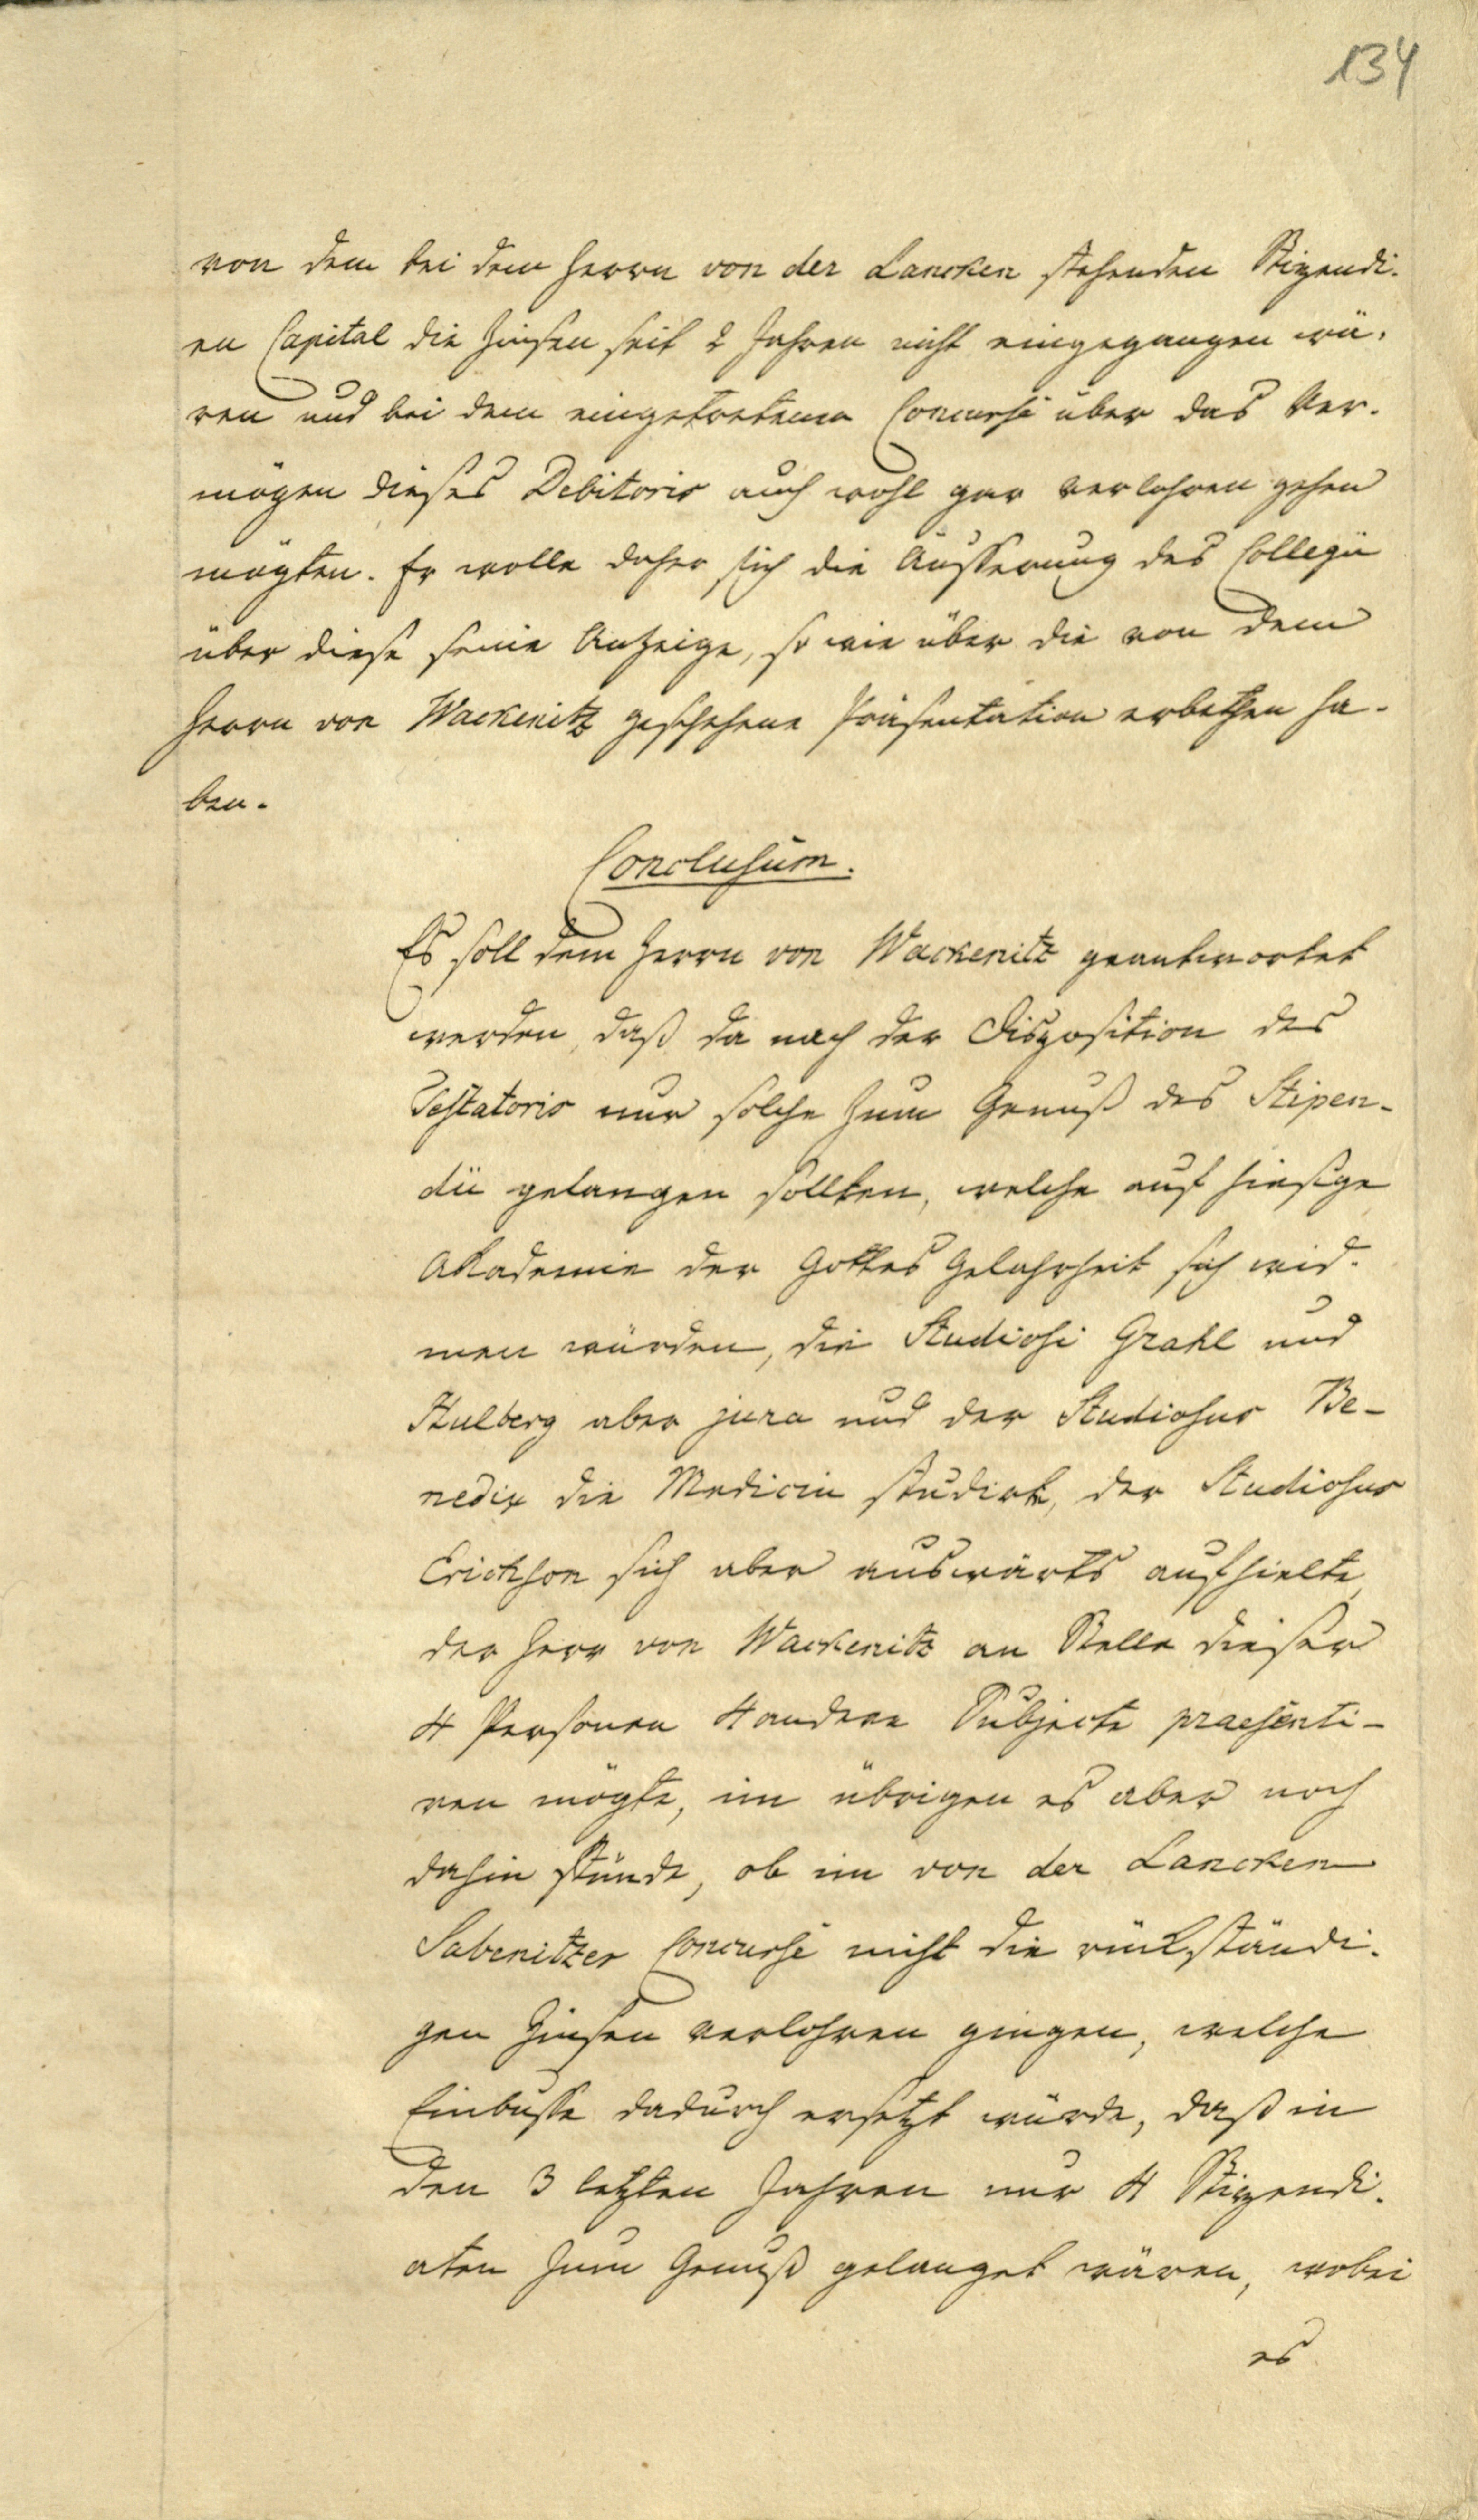von dem bei dem Herrn von der Lancken stehenden Stipendi¬
en Capital die Zinsen seit 2 Jahren nicht eingegangen wä¬
ren und bei dem eingetretenen Concurse über das Ver¬
mögen dieses Debitoris auch wohl gar verlohren gehen
mögten. Er wolle daher sich die Äusserung des Collegii
über diese seine Anzeige, so wie über die von dem
Herrn von Wackenitz geschehene Präsentation erbethen ha¬
ben.
Conclusum.
Es soll dem Herrn von Wackenitz geantwortet
werden, daß da nach der Disposition des
Testatoris nur solche zum Genuß des Stipen¬
dii gelangen sollten, welche auf hiesige
Akademie der Gottes Gelahrheit sich wid
men würden, die Studiosi Grahl und
Hulberg aber jura und der Studiosus Be¬
nedix die Medicin studirte, der Studiosus
Erichson sich aber auswärts aufhielte,
der Herr von Wackenitz an Stelle dieser
4 Personen 4 andere Subjecte paesenti-
ren mögte, im übrigen es aber noch
dahin stünde, ob im von der Lancken
Sabenitzer Concurse nicht die rückständi¬
gen Zinsen verlohren gingen, welche
Einbusse dadurch ersetzt würde, daß in
den 3 letzten Jahren nur 4 Stipendi¬
aten zum Genuß gelanget wären, wobei
es